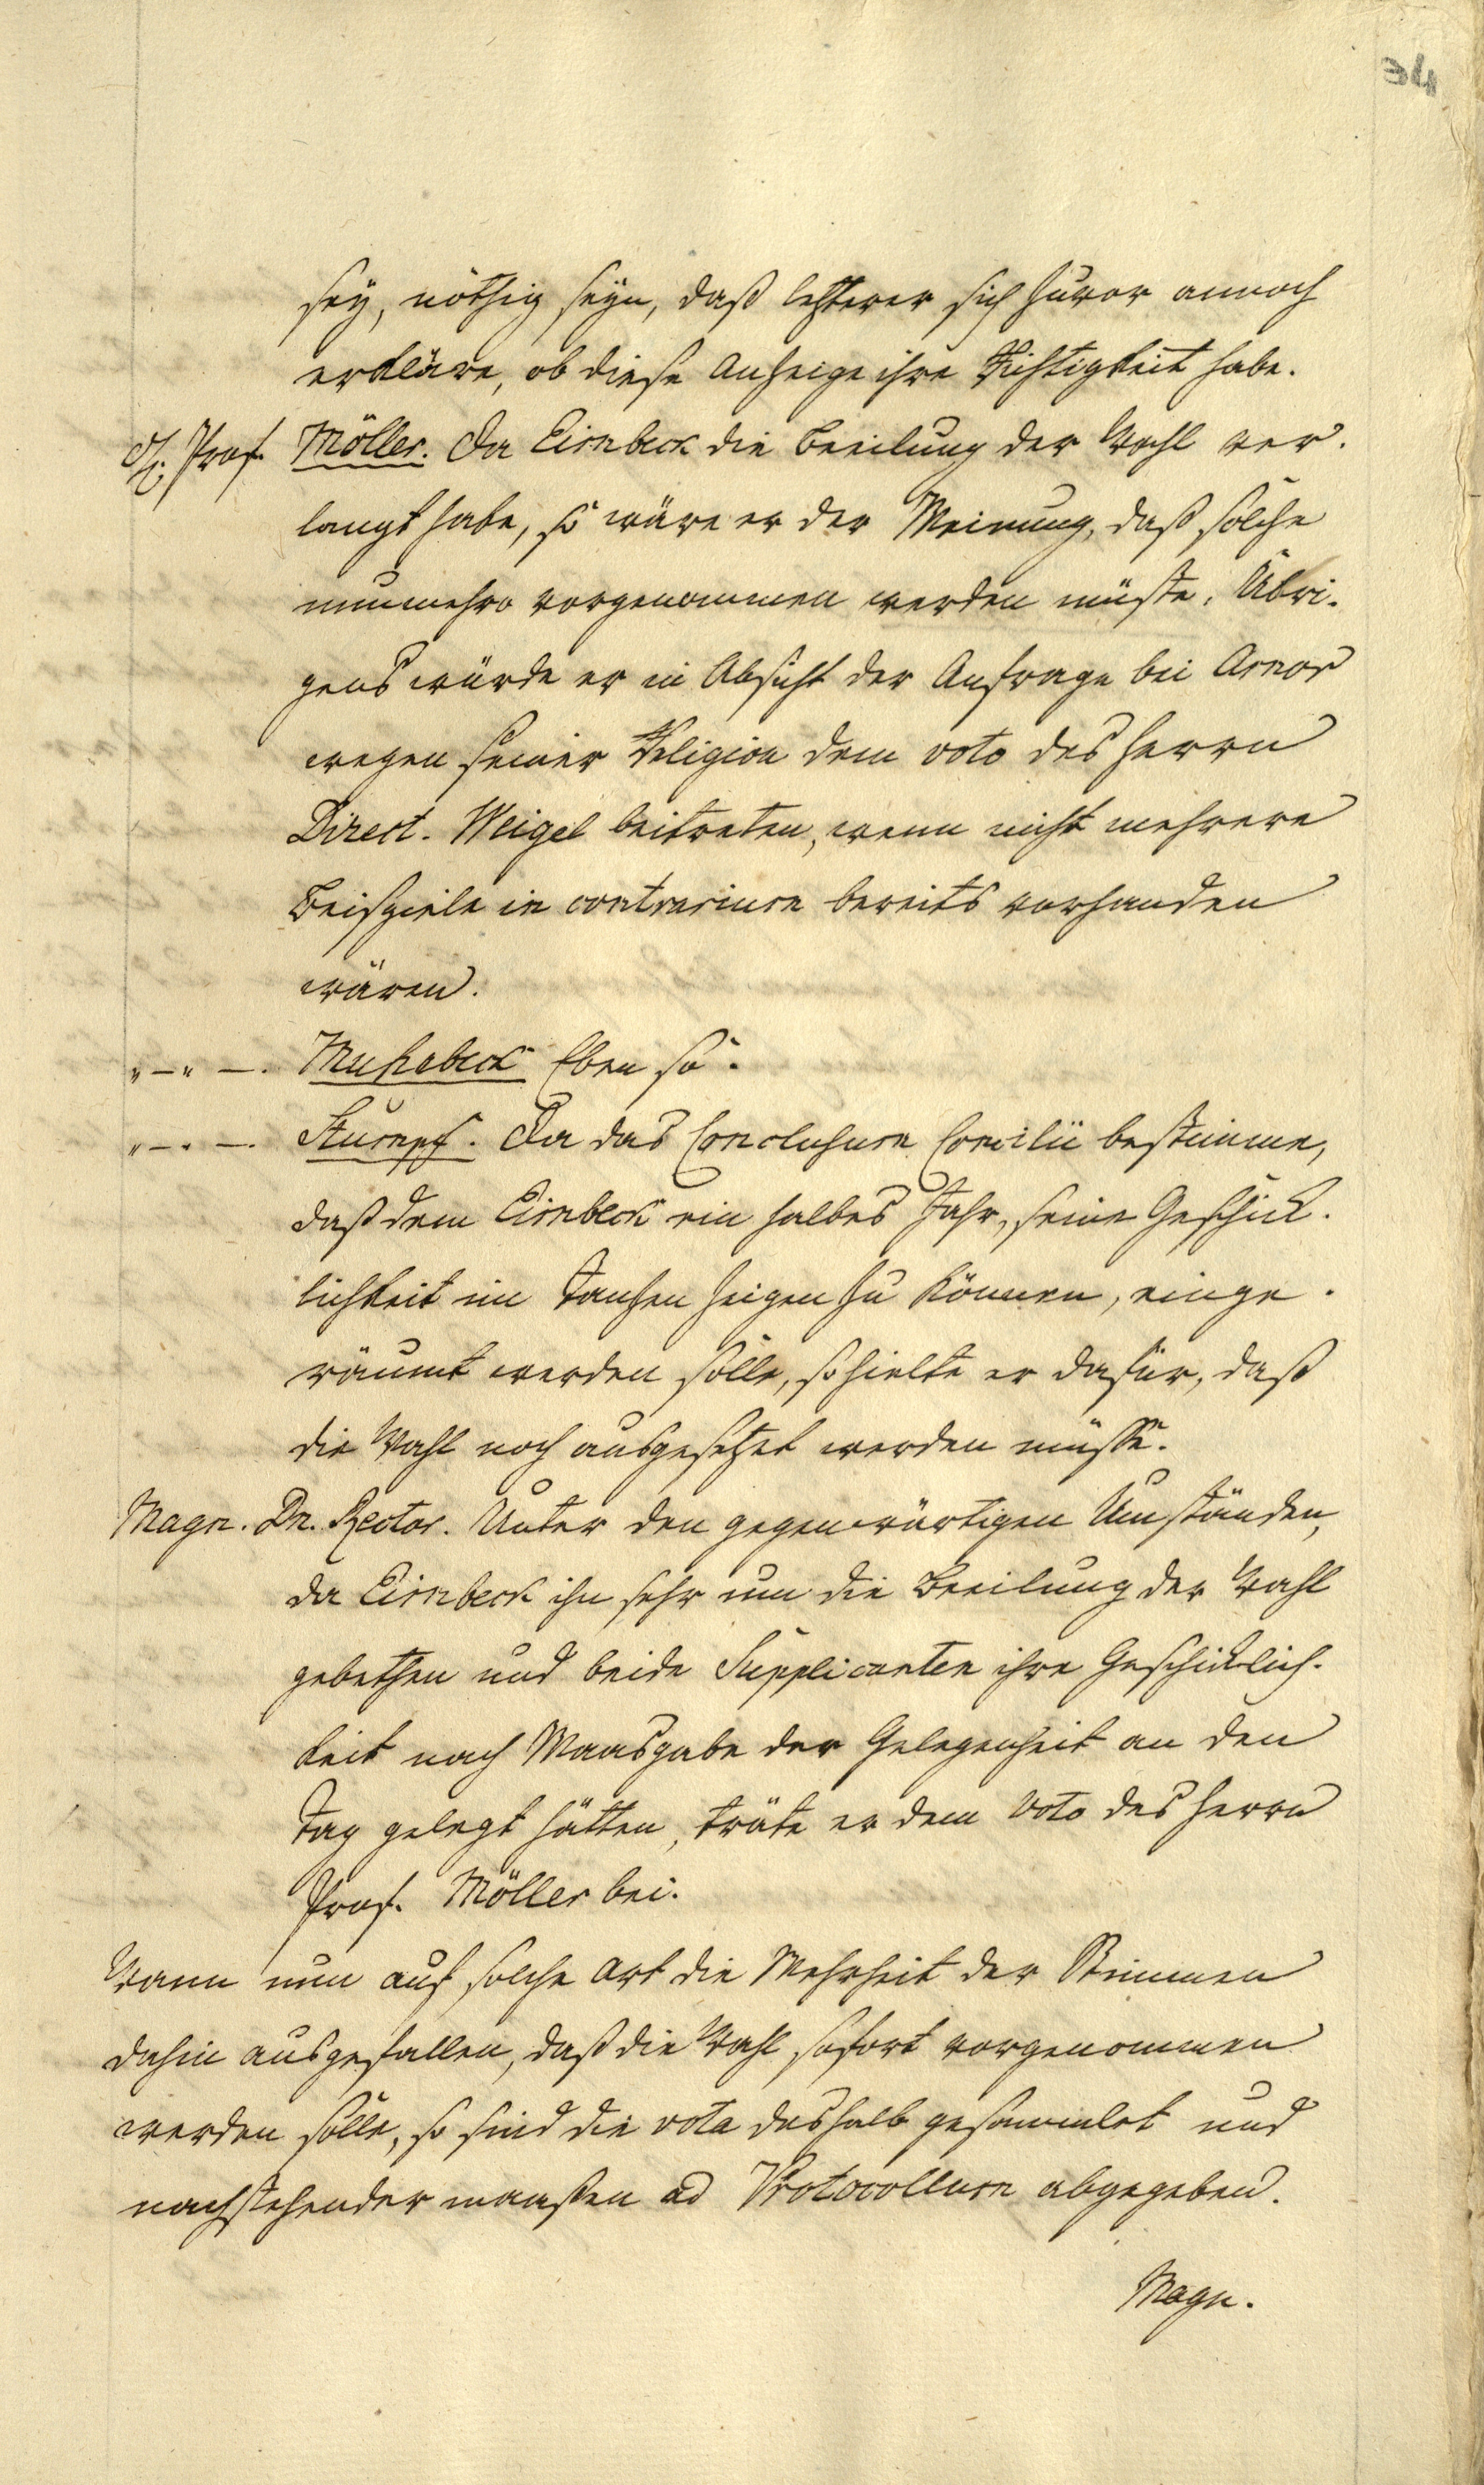sey, nöthig seyn, daß letzterer sich zuvor annoch
erkläre, ob diese Anzeige ihre Richtigkeit habe.
dh. Prof. Möller. Da Eimbeck die Beeilung der Wahl ver-
langt habe, so wäre er der Meinung, daß solche
nunmehro vorgenommen werden müßte, Übri-
gens würde er in Absicht der Anfrage bei Amor
wegen seiner Religion dem voto des herrn
Direct. Weigel beitreten, wenn nicht mehrere
Beispiele in contrarium bereits vorhanden
wären.
" - " - . Muhrbeck Eben so.
" - " - . Stumpf. Da das Conclusum Concilii bestimme,
daß dem Eimbeck ein halbes Jahr, seine Geschick-
lichkeit im Tanzen zeigen zu können, einge-
raumt werden solle, so hielte er dafür, daß
die Wahl noch ausgesetzt werden müsse.
Magn. Dn. Rector. Unter den gegenwärtigen Umständen
da Eimbeck ihn sehr um die Beeilung der Wahl
gebethen und beide Supplicanten ihre Geschicklich-
keit nach Maasgabe der Gelegenheit an den
Tag gelegt hätten, träte er dem voto des Herrn
Prof. Möller bei.
Wann nun auf solche Art die Mehrheit der Stimmen
dahin ausgefallen, daß die Wahl sofort vorgenommen
werden solle, so sind die vota deshalb gesammlet und
nachstehender maaßen ad protocollum abgegeben.
Magn.